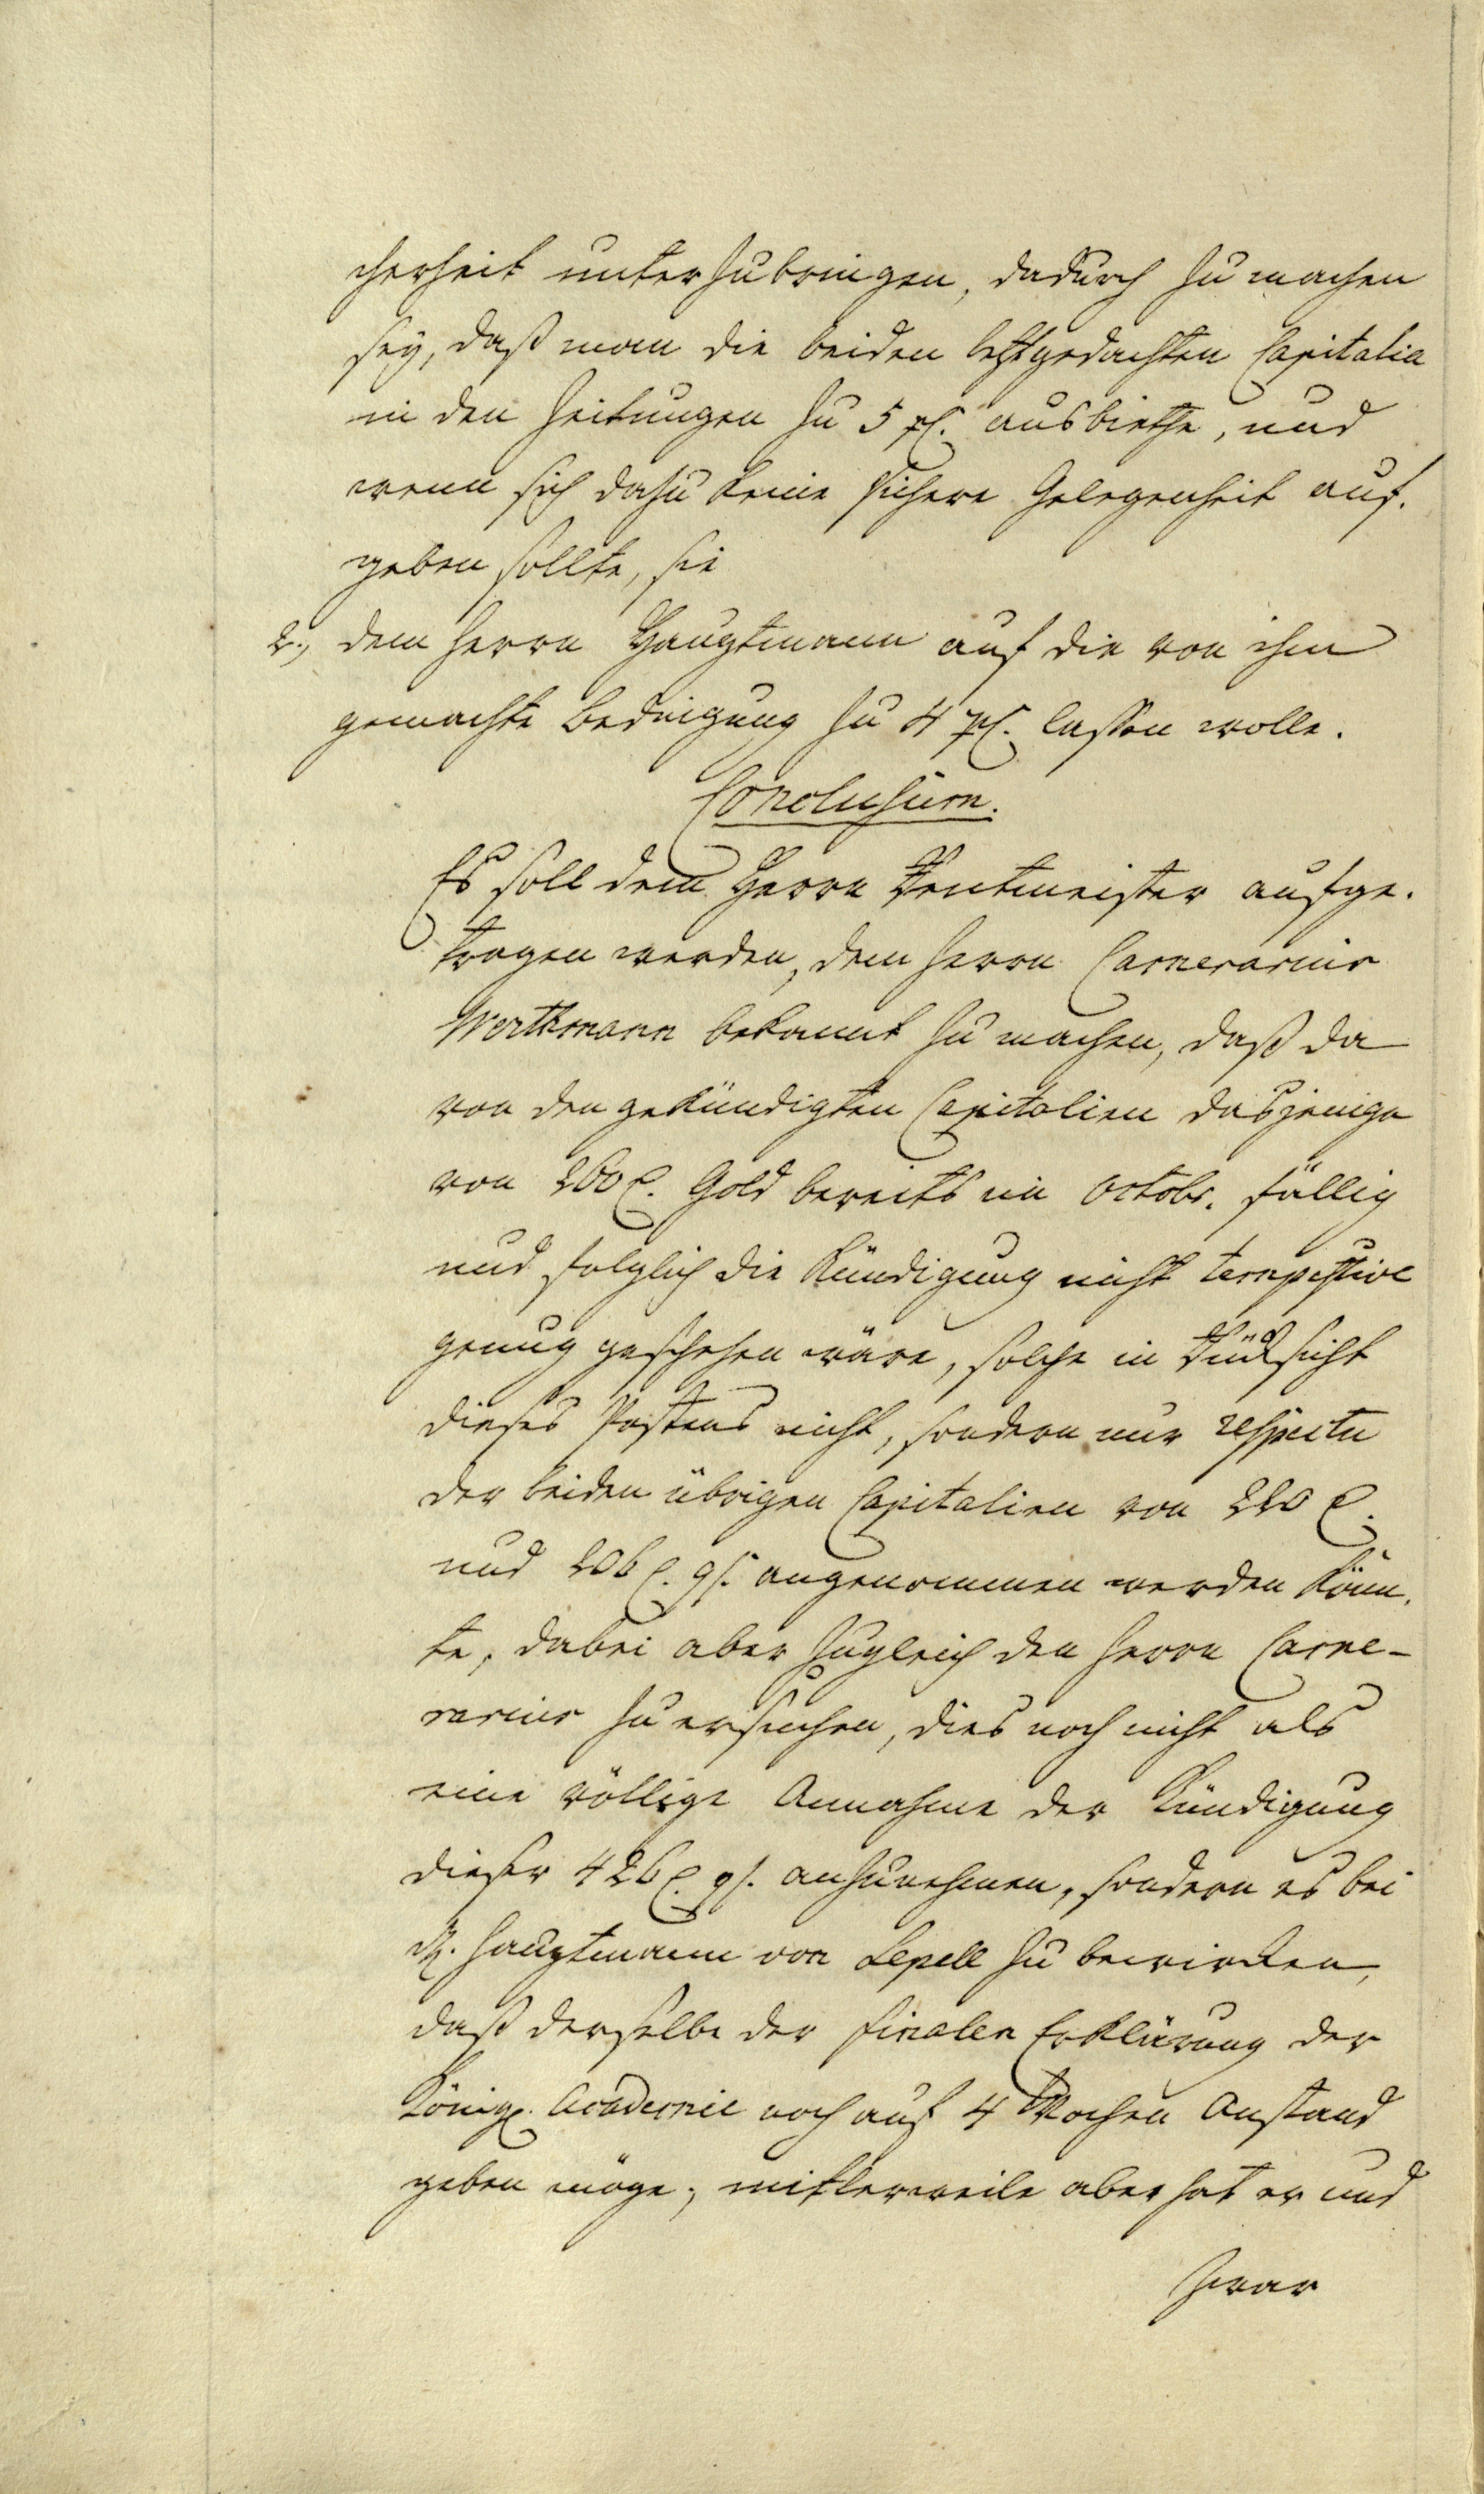cherheit unterzubringen, dadurch zu machen
seÿ, daß man die beiden letztgedachten Capitalia
in den Zeitungen zu 5 pl. ausbiethe, und
wenn sich dazu keine sichere Gelegenheit auf¬
geben sollte, sie
2, dem Herrn Hauptmann auf die von ihm
gemachte Bedingung zu 4 pl. lassen wolle.
Conclusum.
Es soll dem Herrn Rentmeister aufge¬
tragen werden, dem Herrn Camerarius
Werthmann bekannt zu machen, daß da
von den gekündigten Capitalien dasjenige
von 260 l. Gold bereits im Octobr. fällig
und folglich die Kündigung nicht tempestive
genug geschehen wäre, solche in Rücksicht
dieses Postens nicht, sondern nur respectu
der beiden übrigen Capitalien von 220 l.
und 206 l. 9 s. angenommen werden könn¬
te, dabei aber zugleich den Herrn Came¬
rarius zu ersuchen, dies noch nicht als
eine völlige Annahme der Kündigung
dieser 426 l. 9 s. anzunehmen, sondern es bei
dh. Hauptmann von Lepell zu bewirken,
daß derselbe der finalen Erklärung der
Königl. Academie noch auf 4 Wochen Anstand
geben möge; mitlerweile aber hat er und
zwar